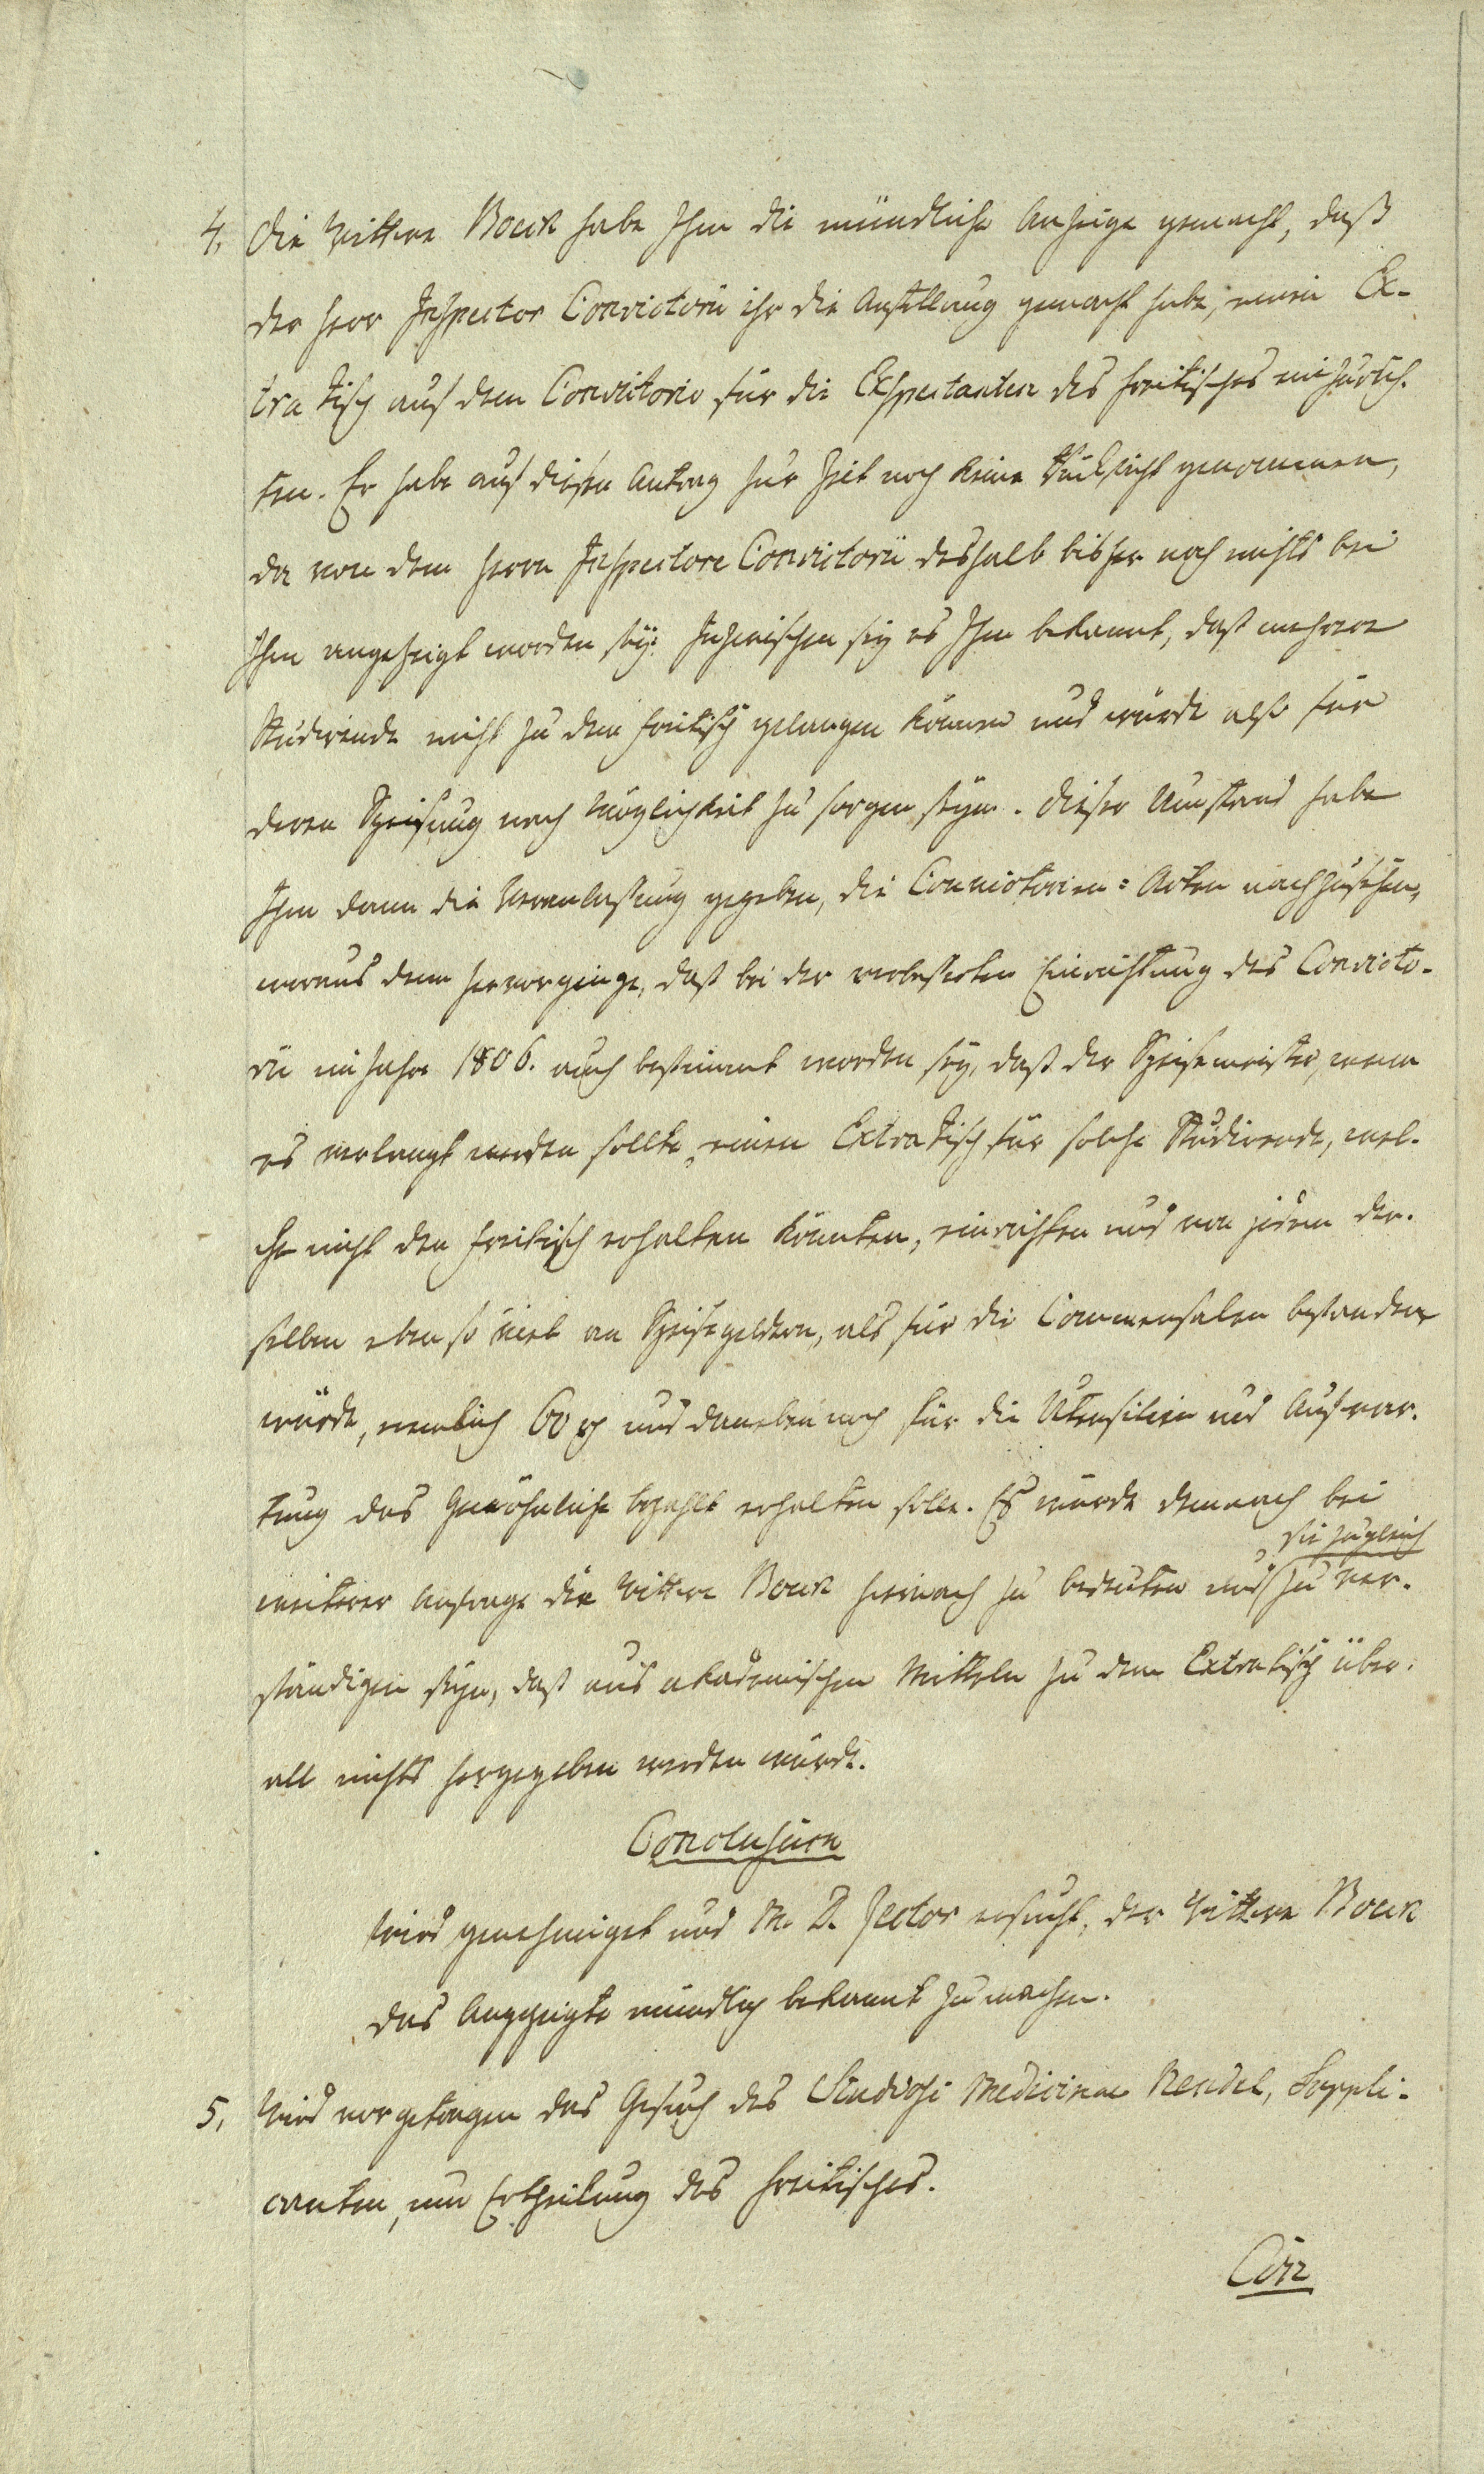4. Die Wittwe Boeck habe Ihm die mündliche Anzeige gemacht, daß
der Herr Inspector Convictorii ihr die Anstellung gemacht habe, einen Ex¬
tra Tisch auf dem Convictorio für die Exspectanten des Freitisches einzurich¬
ten. Er habe auf diesen Antrag zur Zeit noch keine Rücksicht genommen,
da von dem Herrn Inspectore Convictorii deshalb bisher noch nichts bei
ihm angezeigt worden seÿ. Inzwischen seÿ es Ihm bekannt, daß mehrere
Studirende nicht zu dem Freitisch gelangen können und würde also für
deren Speisung nach Möglichkeit zu sorgen seÿn. Dieser Umstand habe
Ihm dann die Veranlassung gegeben, die Convictorien-Acten nachzusehen,
woraus denn hervorginge, daß bei der verbesserten Einrichtung des Convicto¬
rii im Jahre 1806. auch bestimmt worden seÿ, daß der Speisemeister, wenn
es verlangt worden sollte, einen ExtraTisch für solche Studirende, wel¬
che nicht den Freitisch erhalten könnten, einrichten und von jedem der¬
selben eben so viel an Speisegeldern, als für die Commensalen bestanden
würde, nemlich 60 rt und daneben noch für die Utensilien und Aufwar¬
tung das Gewöhnliche bezahlt erhalten solle. Es würde demnach bei
sie zugleich
weiterer Anfrage der Wittwe Boeck hiernach zu bedeuten und zu ver¬
ständigen seÿn, daß aus akademischen Mitteln zu dem Extratisch über¬
all nichts hergegeben werden würde.
Conclusum
Wird genehmiget und M. D. Rector ersucht, der Wittwe Boeck
das Angezeigte mündlich bekannt zu machen.
5, Wird vorgetragen das Gesuch des Studiosi Medicinae Nendel, Suppli¬
canten um Ertheilung des Freitisches.
Con